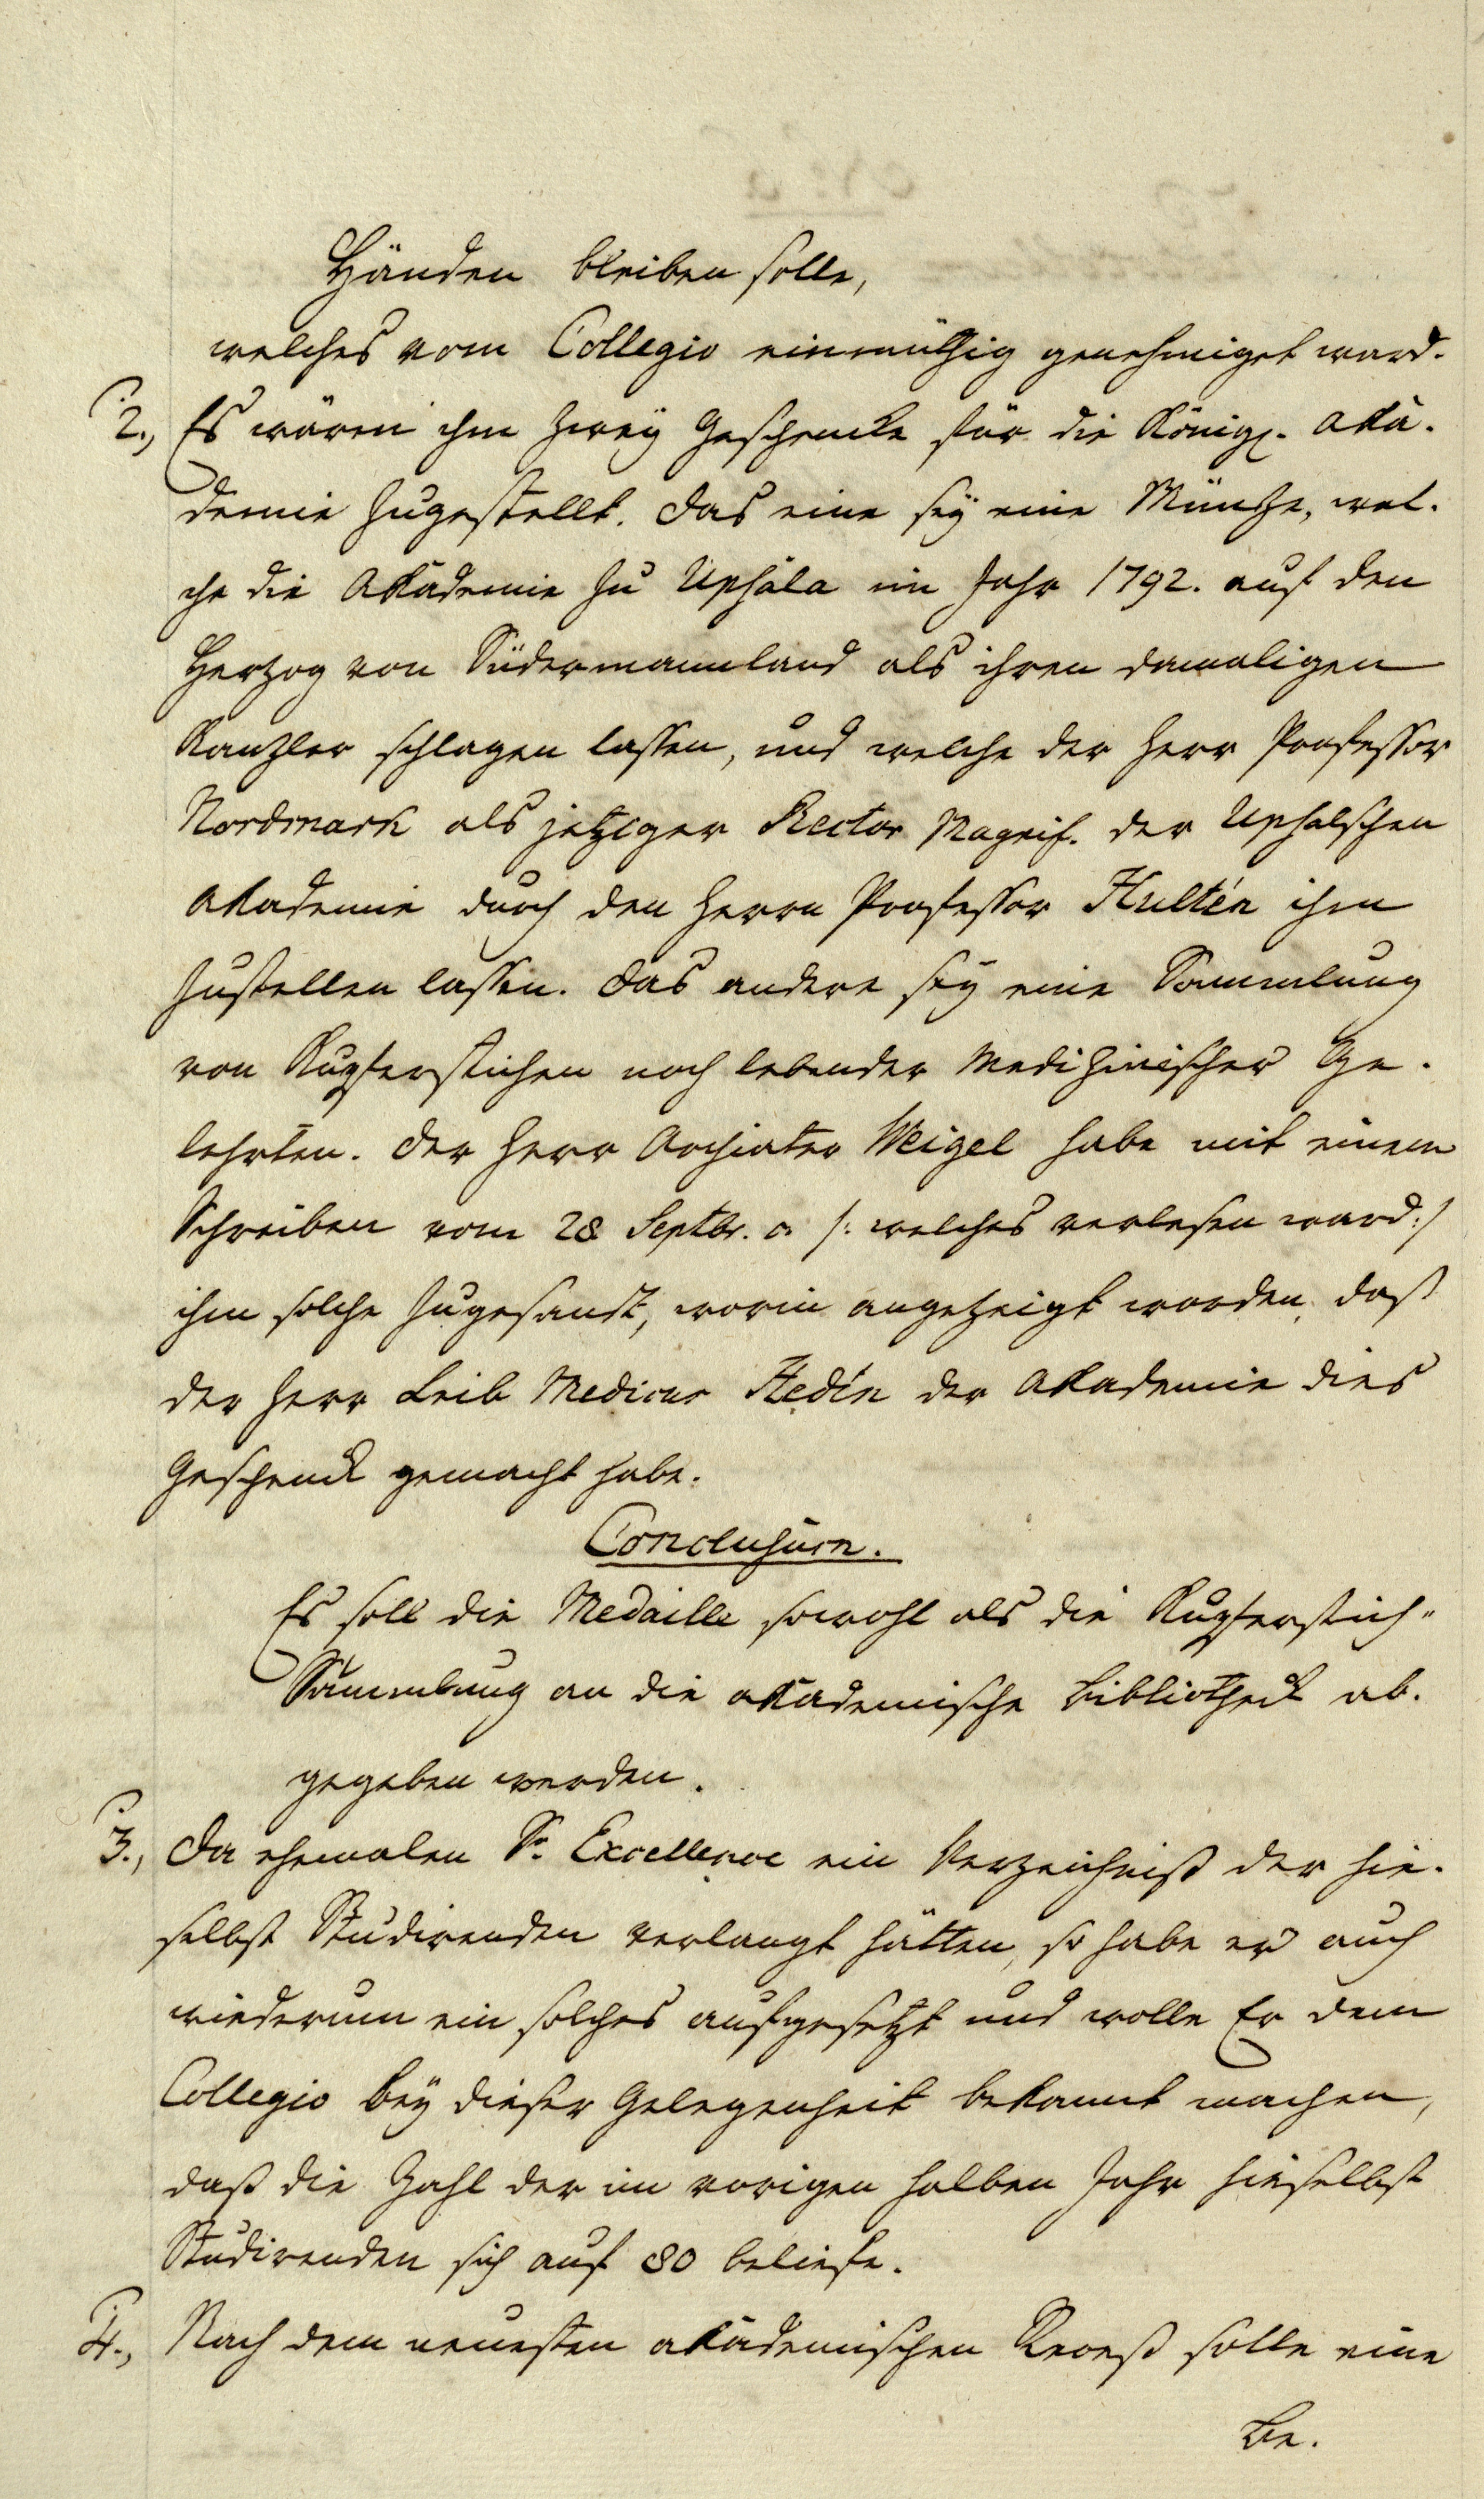Händen bleiben solle,
welches vom Collegio einmüthig genehmiget ward.
2, Es wären ihm zweÿ Geschencke für die Königl. Aka¬
demie zugestellet. Das eine seÿ eine Münze, wel¬
che die Akademie zu Upsala in Jahr 1792. auf den
Herzog von Südermannland als ihren damaligen
Kanzler schlagen lassen, und welche der Herr Professor
Nordmark als jetziger Rector Magnif. der Upsalschen
Akademie durch den Herrn Professor Hultén ihm
zustellen lassen. Das andere seÿ eine Sammlung
von Kupferstichen noch lebender Medizinischer Ge¬
lehrten. Der Herr Archiater Weigel habe mit einem
Schreiben vom 28. Septbr. c. /. welches verlesen ward./
ihm solche zugesandt, worin angezeigt worden, daß
der Herr Leib Medicus Hedin der Akademie dies
Geschenck gemacht habe.
Conclusum
Es soll die Medaille sowohl als die Kupterstich¬
Sammlung an die akademische Bibliothek ab¬
gegeben werden.
3., Da ehemalen Sr Excellence ein Verzeichniß der hie¬
selbst Studirenden verlangt hätten, so habe er auch
wiederum ein solches aufgesetzt und wolle Er dem
Collegio beÿ dieser Gelegenheit bekannt machen,
daß die Wahl der im vorigen halben Jahr hieselbst
Studirenden sich auf 80 beliefe.
2. Nach dem neuesten akademischen Receß solle eine
Be.